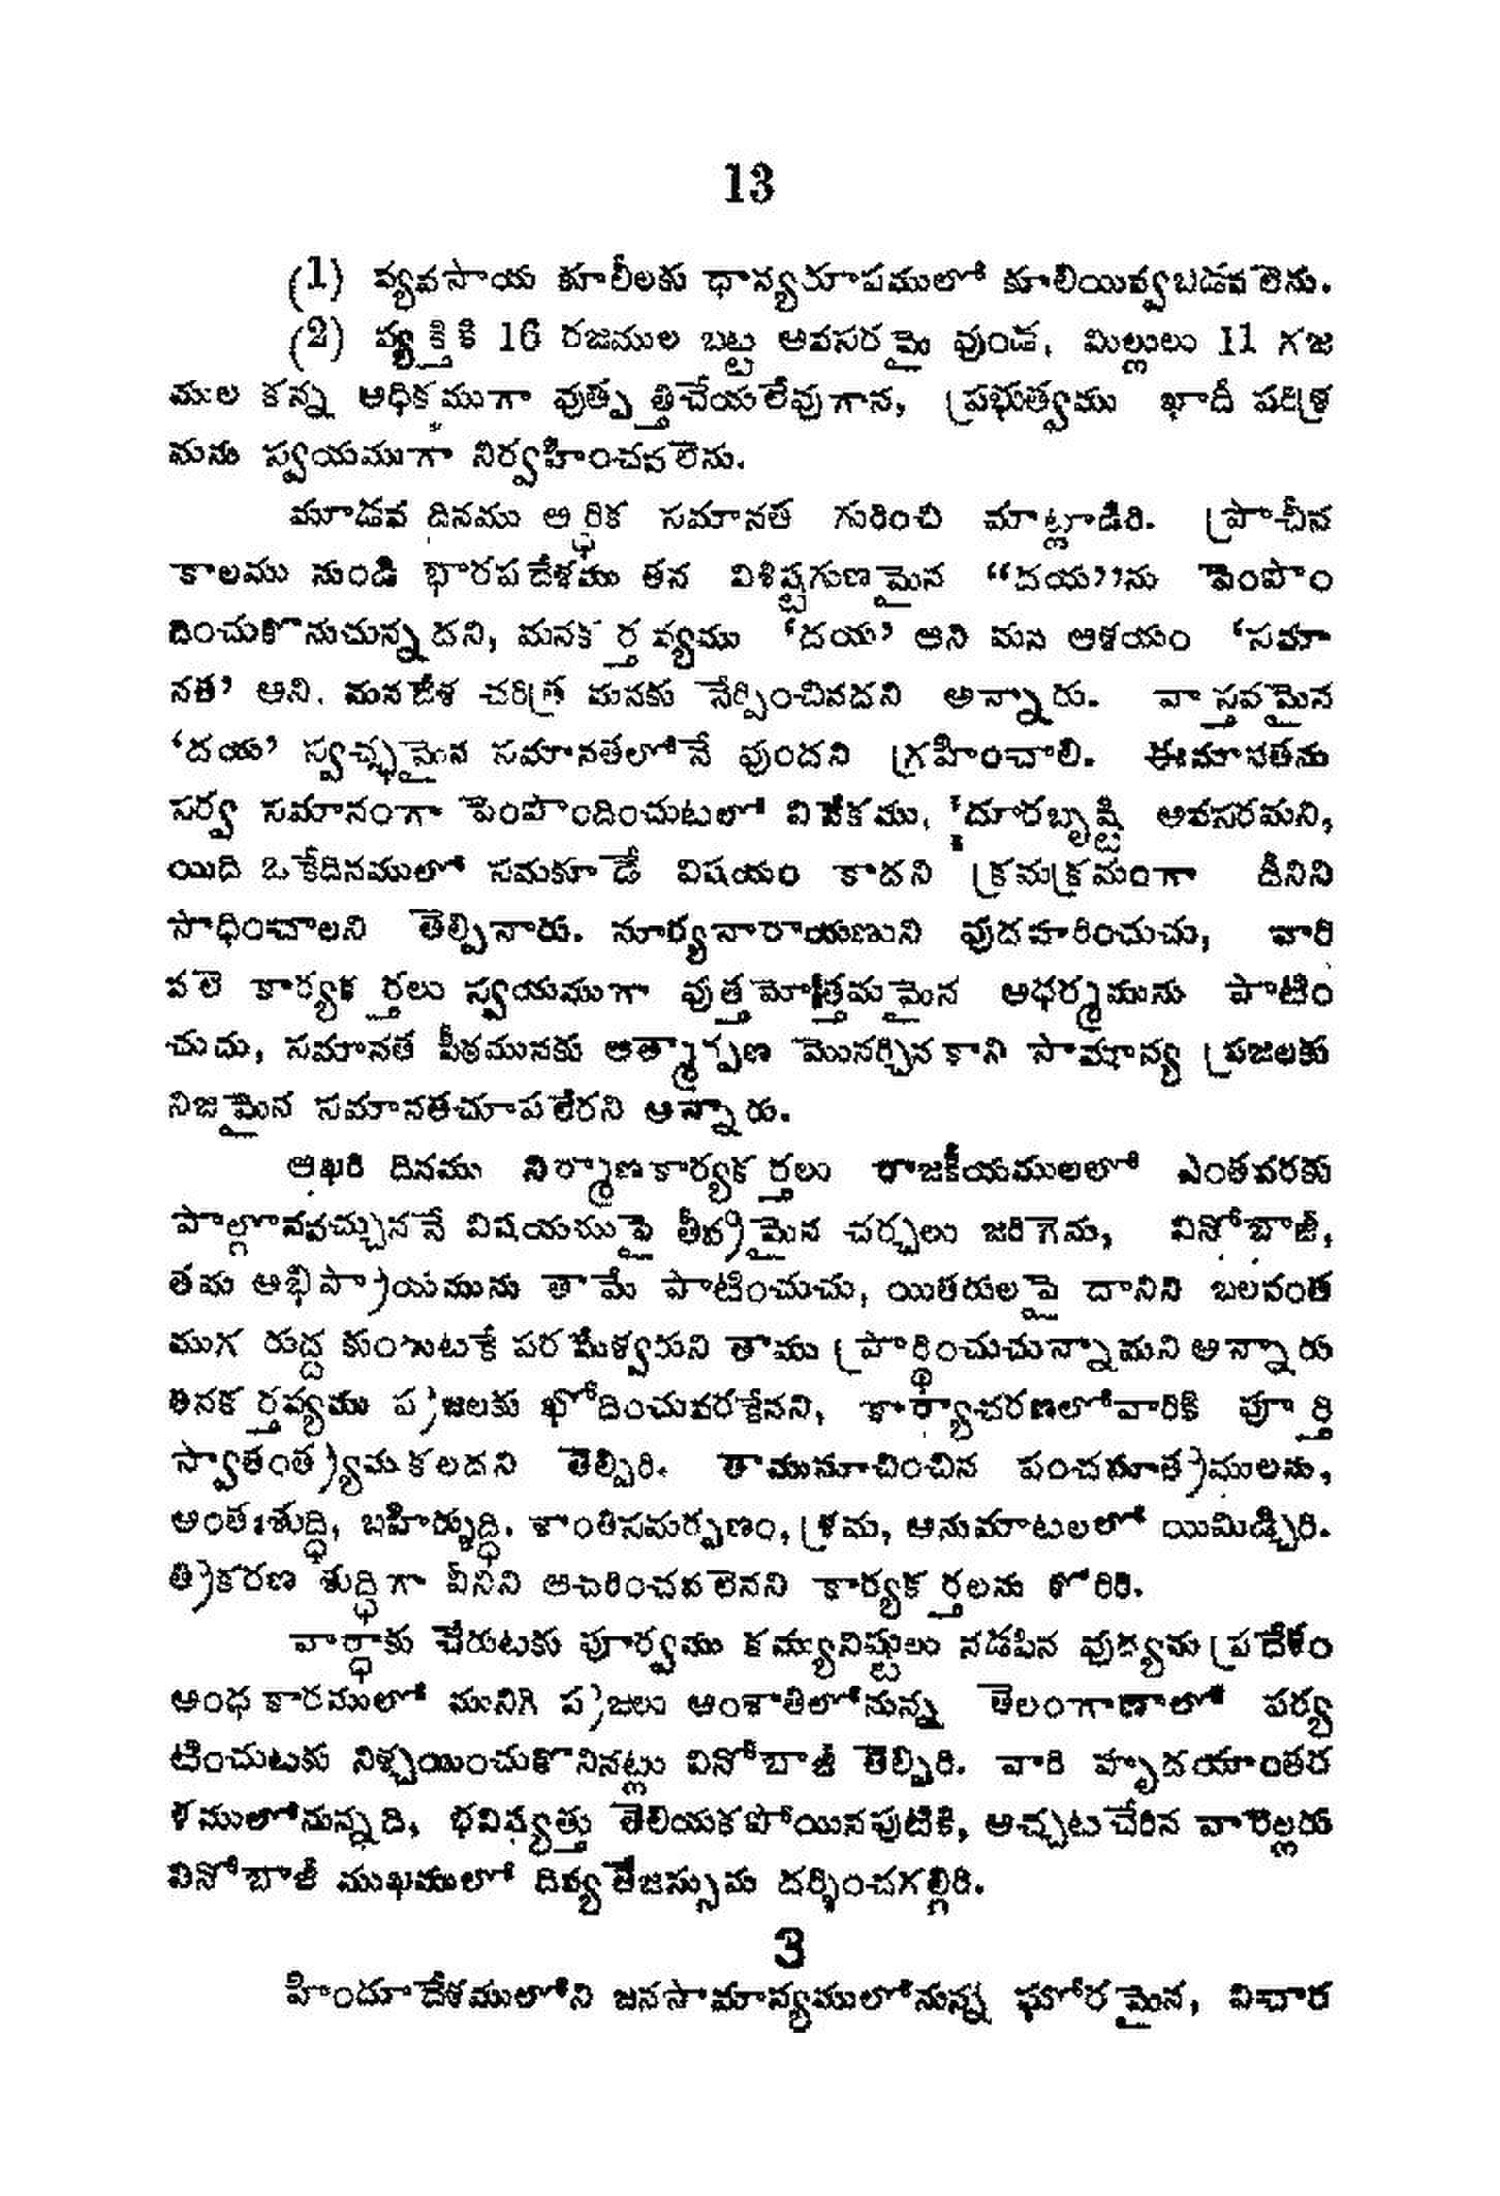(1) వ్యవసాయ కూలీలకు ధాన్యరూపములో కూలియివ్వబడవలెను.

(2) వ్యక్తికి 16 గజముల బట్ట అవసరమై వుండ, మిల్లులు 11 గజముల కన్న అధికముగా వుత్పత్తిచేయలేవుగాన, ప్రభుత్వము ఖాదీ పరిశ్రమను స్వయముగా నిర్వహించవలెను. 

మూడవ దినము ఆర్థిక సమానత గురించి మాట్లాడిరి. ప్రాచీనకాలము నుండి భారతదేశము తన విశిష్టగుణమైన "దయ"ను పెంపొందించుకొనుచున్నదని, మనకర్తవ్యము 'దయ' అని మన ఆశయం 'సమానత' అని. మనదేశ చరిత్ర మనకు నేర్పించినదని అన్నారు. వాస్తవమైన 'దయ' స్వచ్ఛమైన సమానతలోనే వుందని గ్రహించాలి. ఈమానతను సర్వ సమానంగా పెంపొందించుటలో వివేకము, దూరదృష్టి అవసరమని, యిది ఒకేదినములో సమకూడే విషయం కాదని క్రమక్రమంగా దీనిని సాధించాలని తెల్పినారు. సూర్యనారాయణుని వుదహరించుచు, వారివలె కార్యకర్తలు స్వయముగా వుత్తమోత్తమమైన అధర్మమును పాటించుచు, సమానత పీఠమునకు ఆత్మార్పణ మొనర్చినకాని సామాన్య ప్రజలకు నిజమైన సమానతచూపలేరని అన్నారు.

ఆఖరి దినము నిర్మాణకార్యకర్తలు రాజకీయములలో ఎంతవరకు పొల్గొనవచ్చుననే విషయముపై తీవ్రమైన చర్చలు జరిగెను, వినోబాజీ, తమ అభిప్రాయమును తామే పాటించుచు, యితరులపై దానిని బలవంతముగ రుద్ద కుండుటకే పరమేశ్వరుని తాము ప్రార్థించుచున్నామని అన్నారు తనకర్తవ్యము ప్రజలకు భోదించువరకేనని, కార్యాచరణలోవారికి పూర్తి స్వాతంత్యముకలదని తెల్పిరి. తామునూచించిన పంచసూత్రములను, అంతఃశుద్ది, బహిర్శుద్ది. శాంతిసమర్పణం, శ్రమ, అనుమాటలలో యిమిడ్చిరి. త్రికరణ శుద్దిగా వీనిని ఆచరించవలెనని కార్యకర్తలను కోరిరి.

వార్ధాకు చేరుటకు పూర్వము కమ్యునిష్టులు నడపిన వుద్యమప్రదేశం ఆంధకారములో మునిగి ప్రజలు అంశాతిలోనున్న తెలంగాణాలో పర్యటించుటకు నిశ్చయించుకొనినట్లు వినోబాజీ తెల్పిరి. వారి హృదయాంతరళములోనున్నది, భవిష్యత్తు తెలియకపోయినపుటికి, ఆచ్చటచేరిన వారెల్లరు వినోబాజీ ముఖములో దివ్యతేజస్సును దర్శించగల్గిరి.

3 

హిందూదేశములోని జనసామాన్యములోనున్న ఘోరమైన, విచార